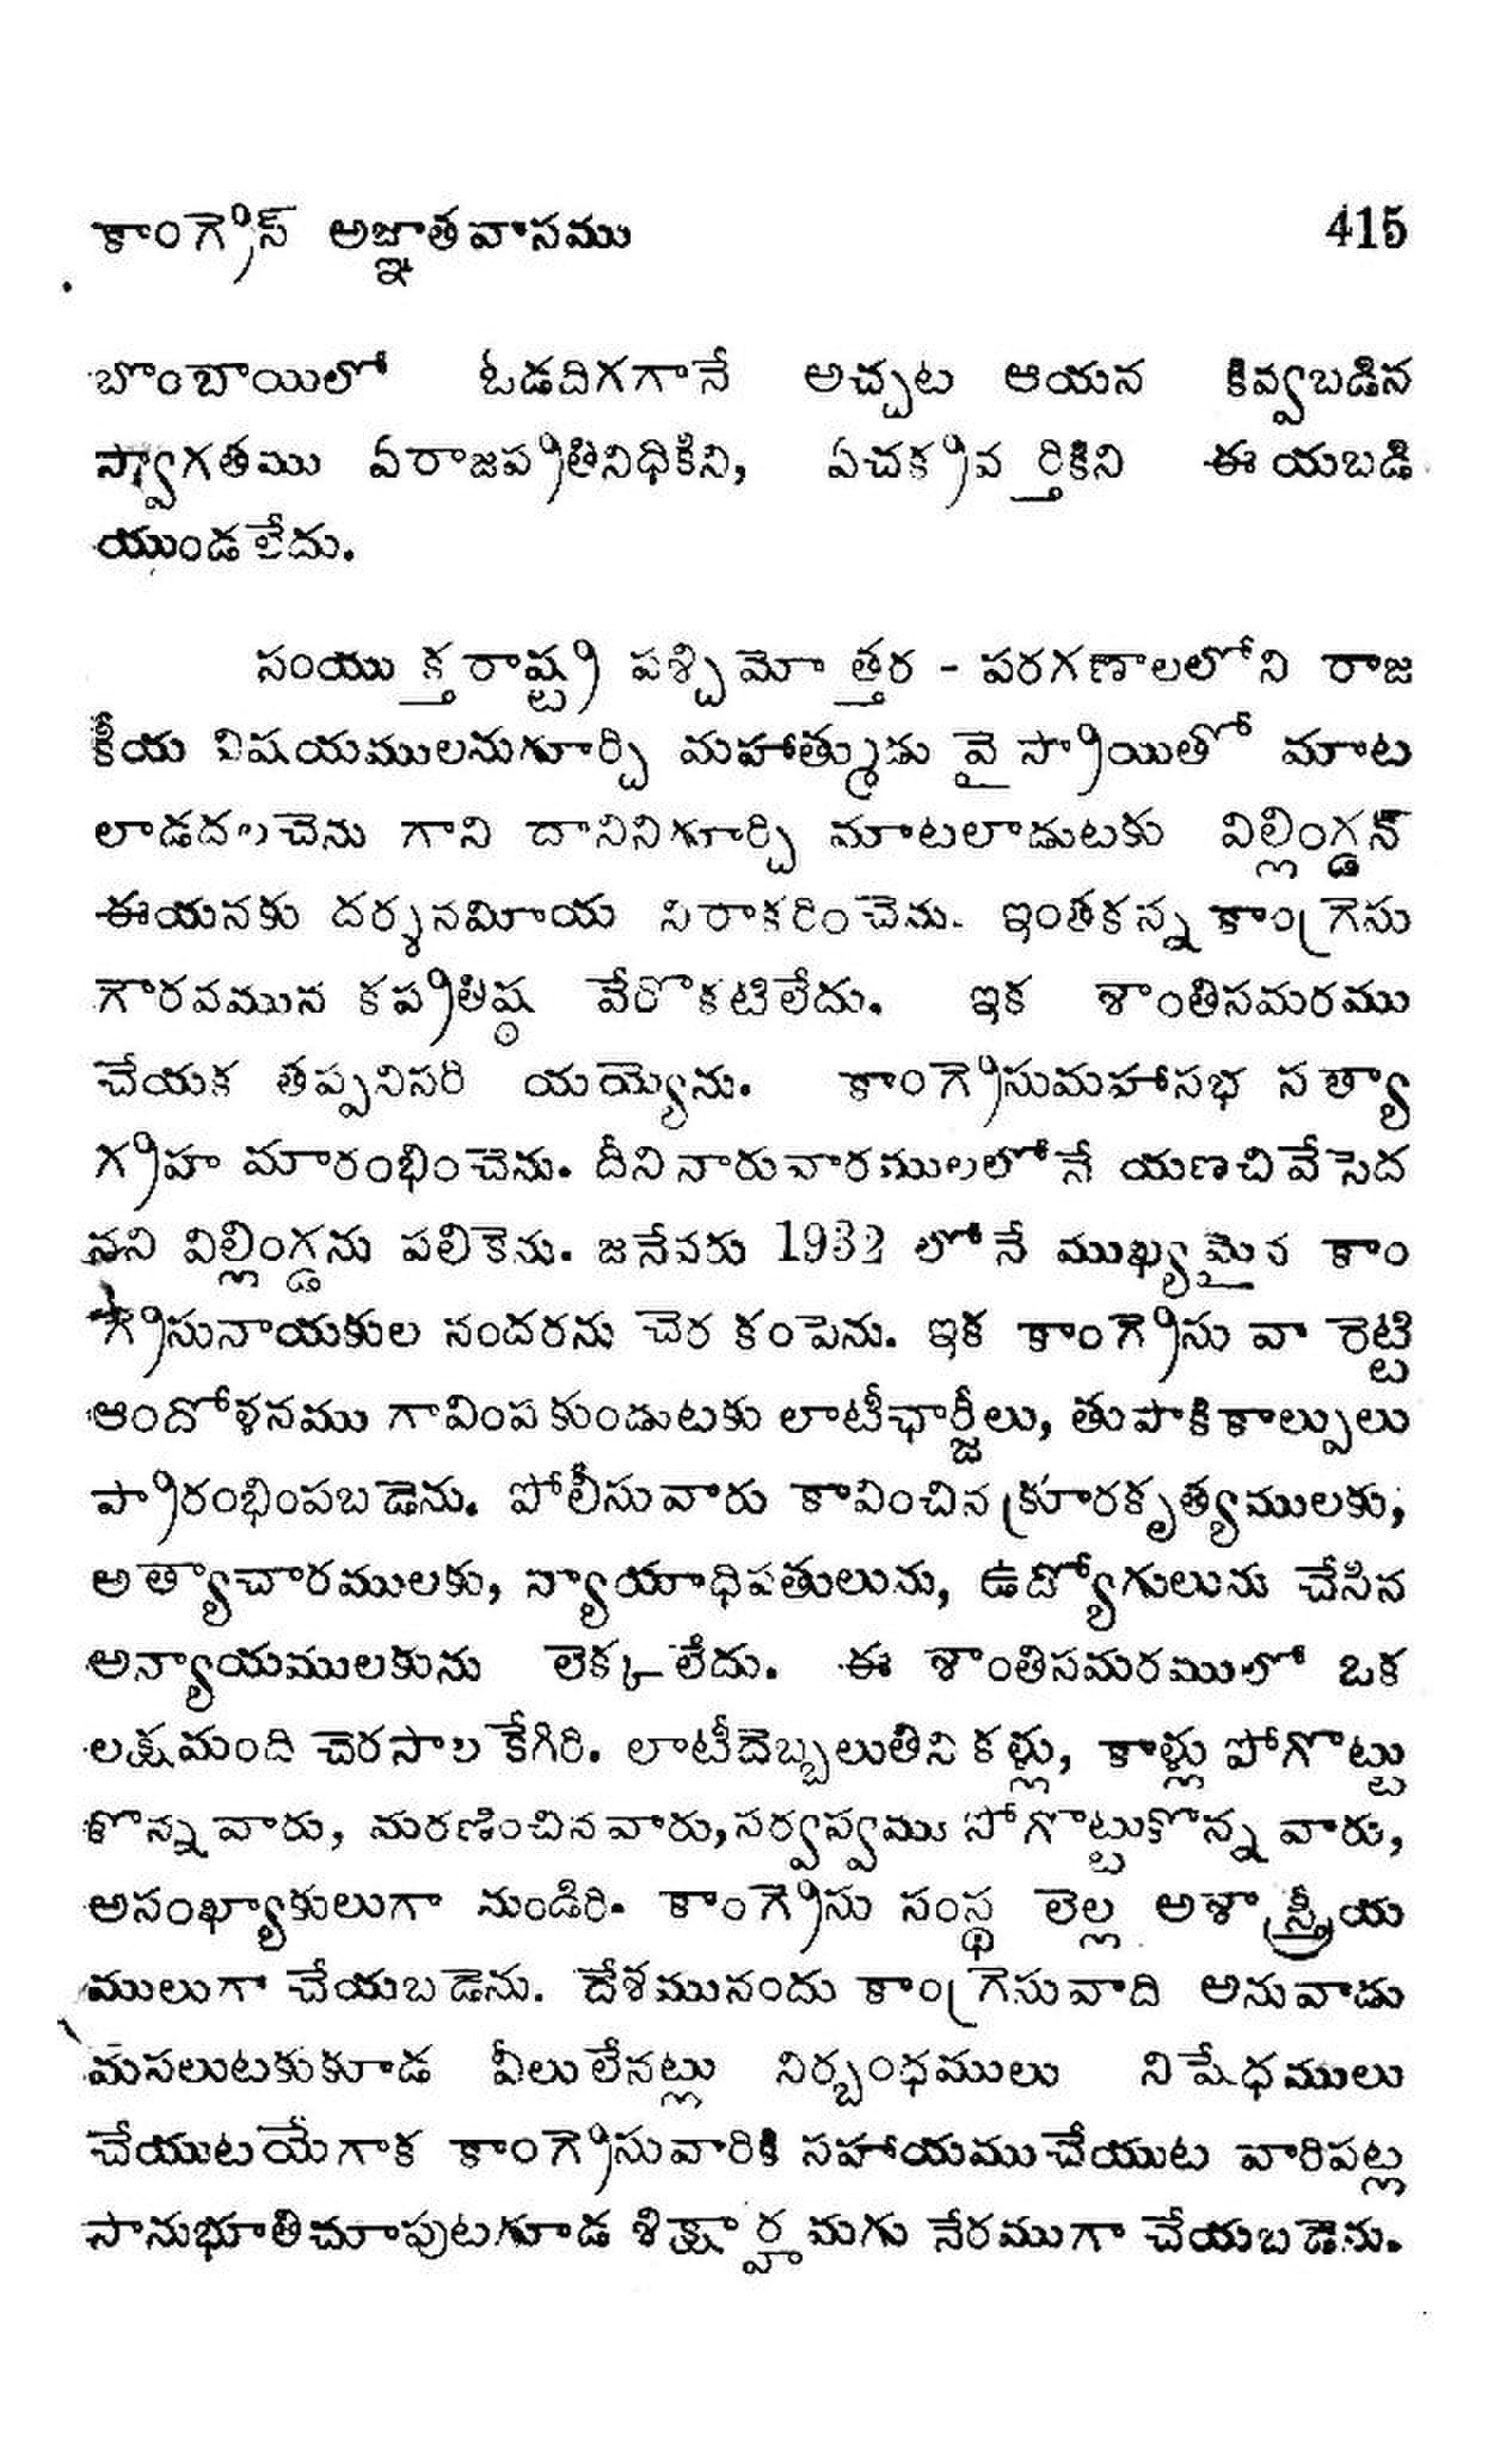బొంబాయిలో ఓడదిగగానే అచ్చట ఆయన కివ్వబడిన స్వాగతము ఏరాజప్రతినిధికిని, ఏచక్రవర్తికిని ఈ యబడి యుండలేదు.

సంయుక్తరాష్ట్ర పశ్చిమోత్తర - పరగణాలలోని రాజకీయ విషయములనుగూర్చి మహాత్ముడు వైస్రాయితో మాటలాడదలచెను గాని దానినిగూర్చి మాటలాడుటకు విల్లింగ్డన్ ఈయనకు దర్శనమీయ నిరాకరించెను. ఇంతకన్న కాంగ్రెసు గౌరవమున కప్రతిష్ట వేరొకటిలేదు. ఇక శాంతిసమరము చేయక తప్పనిసరి యయ్యెను. కాంగ్రెసుమహాసభ సత్యాగ్రహ మారంభించెను. దీని నారువారములలోనే యణచి వేసెదనని విల్లింగ్డను పలికెను. జనేవరు 1932 లోనే ముఖ్యమైన కాంగ్రెసునాయకుల నందరను చెర కంపెను. ఇక కాంగ్రెసువా రెట్టి ఆందోళనము గావింపకుండుటకు లాటీఛార్జీలు, తుపాకి కాల్పులు ప్రారంభింపబడెను. పోలీసువారు కావించిన క్రూరకృత్యములకు, అత్యాచారములకు, న్యాయాధిపతులును, ఉద్యోగులును చేసిన అన్యాయములకును లెక్కలేదు. ఈ శాంతిసమరములో ఒక లక్షమంది చెరసాల కేగిరి. లాటీదెబ్బలుతిని కళ్లు, కాళ్లు పోగొట్టు కొన్నవారు, మరణించినవారు, సర్వస్వము పోగొట్టుకొన్నవారు, అసంఖ్యాకులుగా నుండిరి. కాంగ్రెసు సంస్థ లెల్ల అశాస్త్రీయములుగా చేయబడెను. దేశమునందు కాంగ్రెసువాది అనువాడు మసలుటకుకూడ వీలులేనట్లు నిర్బంధములు నిషేధములు చేయుటయేగాక కాంగ్రెసువారికి సహాయముచేయుట వారిపట్ల సానుభూతిచూపుటగూడ శిక్షార్హమగు నేరముగా చేయబడెను.